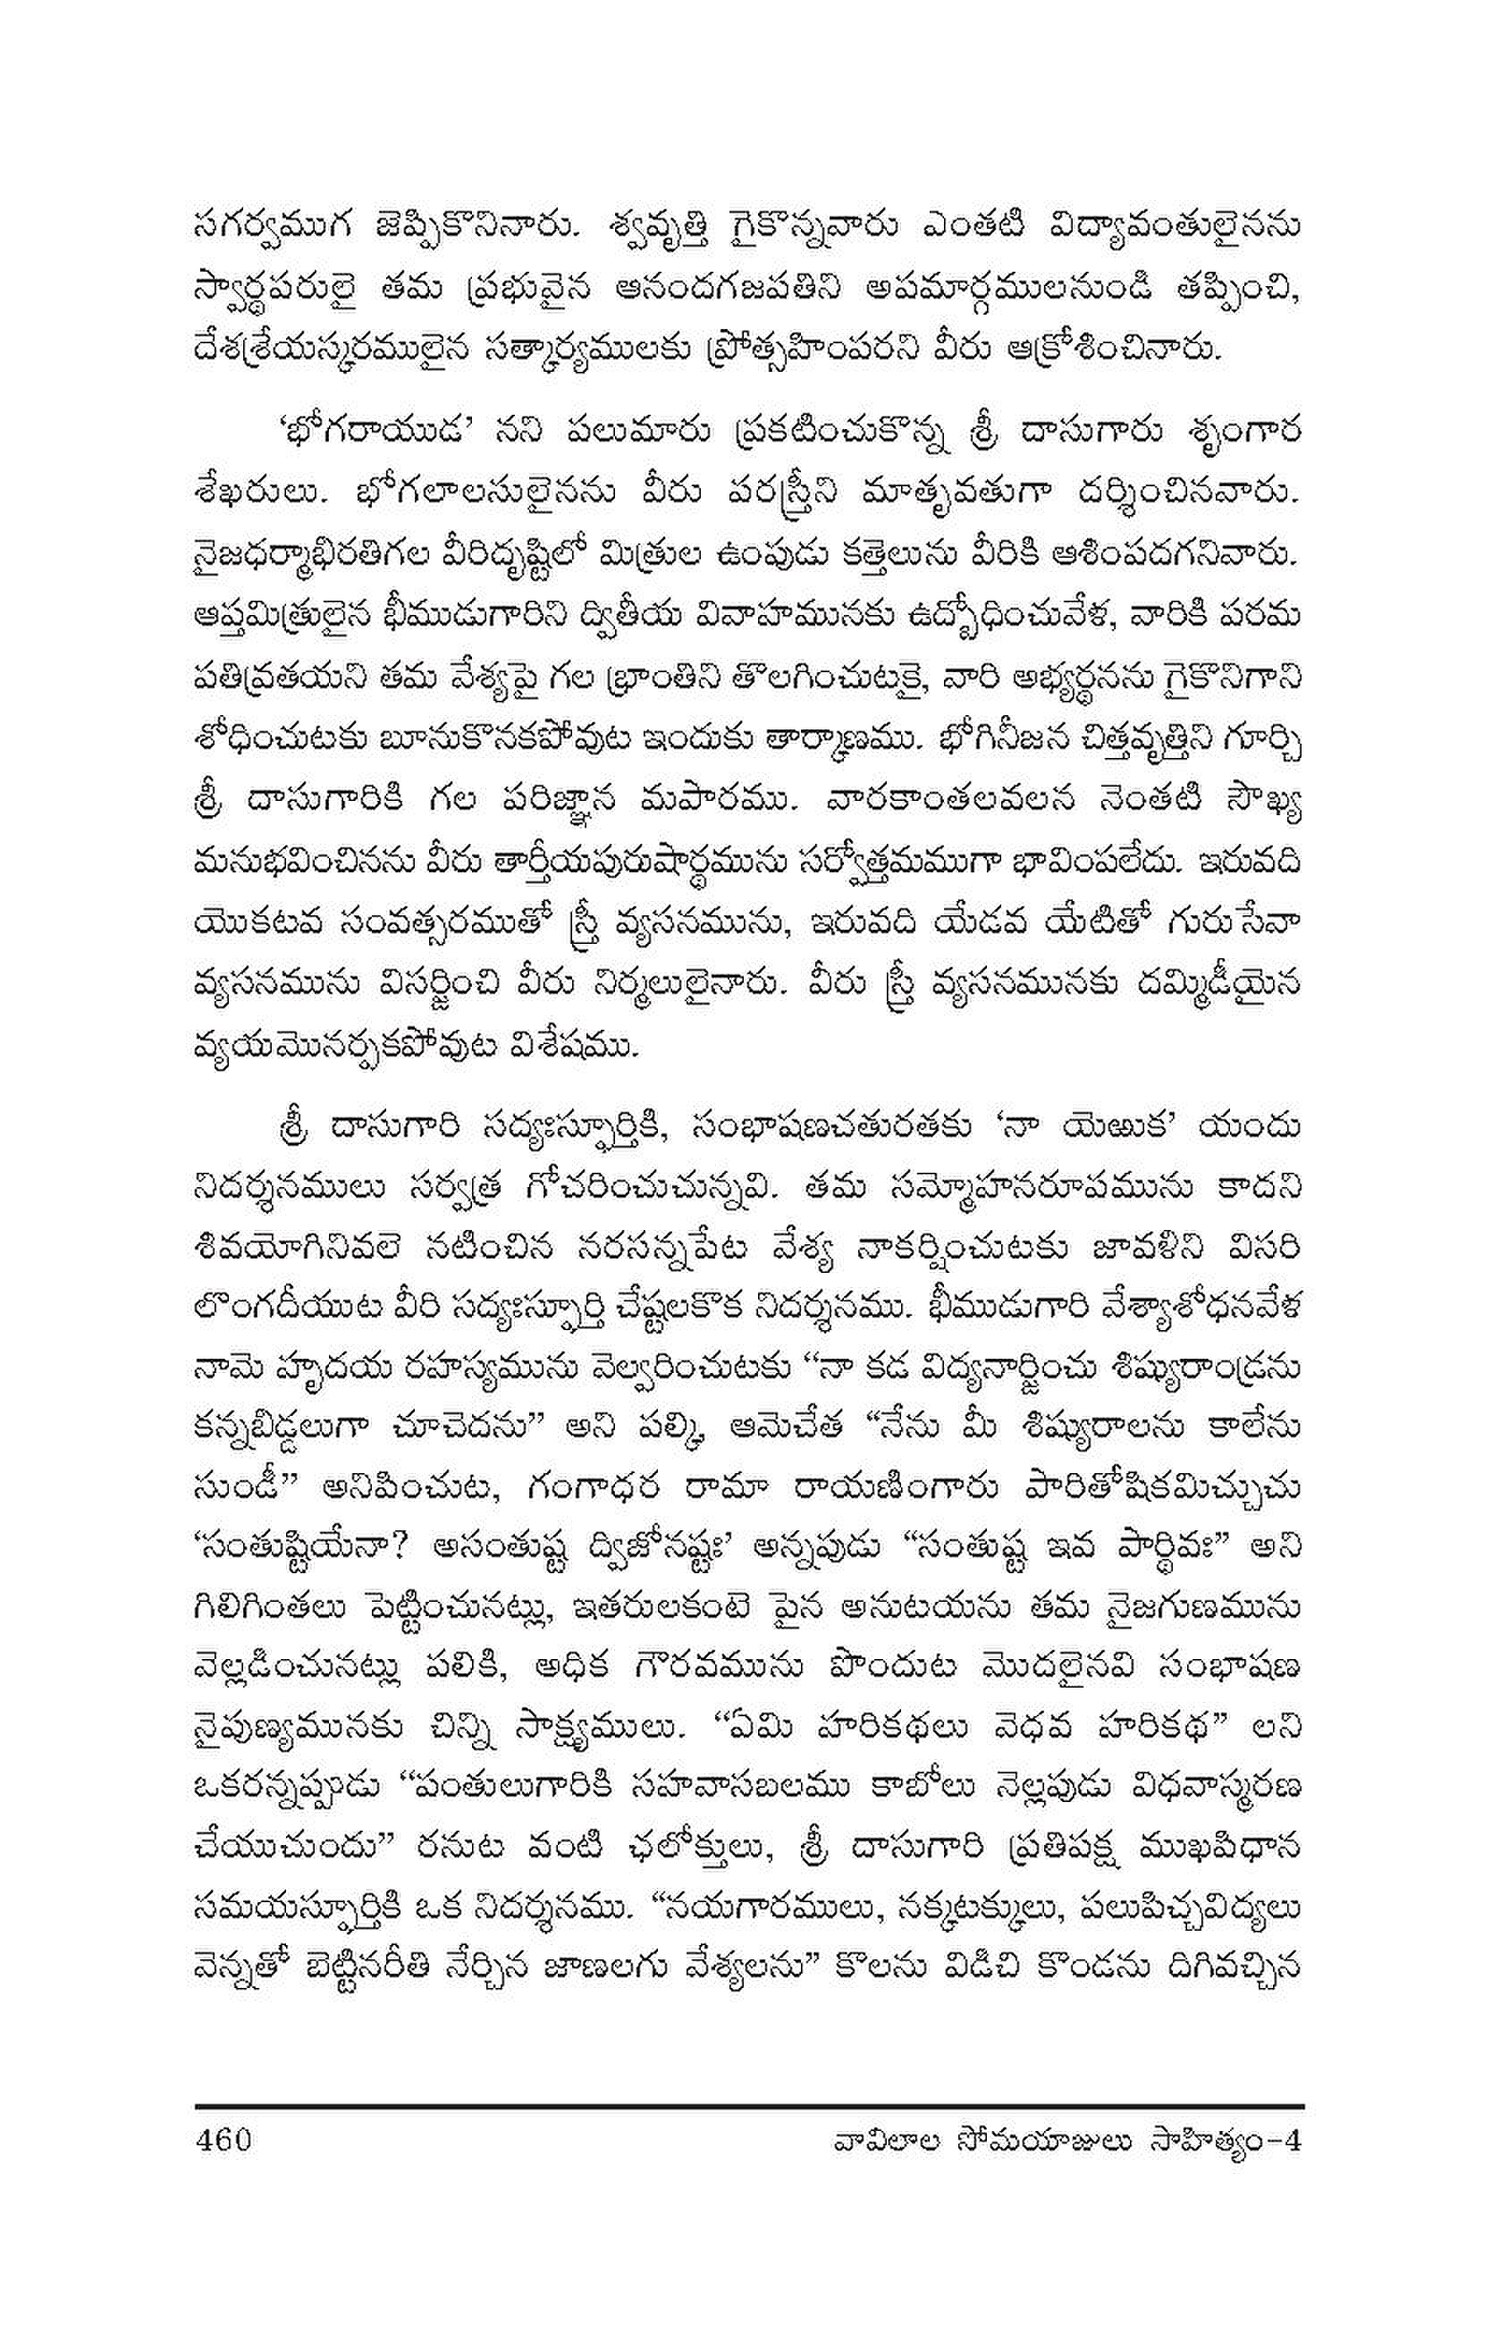సగర్వముగ జెప్పికొనినారు. శ్వవృత్తి గైకొన్నవారు ఎంతటి విద్యావంతులైనను
స్వార్థపరులై తమ ప్రభువైన ఆనందగజపతిని అపమార్గములనుండి తప్పించి,
దేశశ్రేయస్కరములైన సత్కార్యములకు ప్రోత్సహింపరని వీరు ఆక్రోశించినారు.

'భోగరాయుడ' నని పలుమారు ప్రకటించుకొన్న శ్రీ దాసుగారు శృంగార
శేఖరులు. భోగలాలసులైనను వీరు పరస్త్రీని మాతృవతుగా దర్శించినవారు.
నైజధర్మాభిరతిగల వీరిదృష్టిలో మిత్రులు ఉంపుడు కత్తెలును వీరికి ఆశింపదగనివారు.
ఆప్తమిత్రులైన భీముడుగారిని ద్వితీయ వివాహమునకు ఉద్బోధించువేళ, వారికి పరమ
పతివ్రతయని తమ వేశ్యపై గల భ్రాంతిని తొలగించుటకై, వారి అభ్యర్థనను గైకొనిగాని
శోధించుటకు బూనుకొనకపోవుట ఇందుకు తార్కాణము. భోగినీజన చిత్తవృత్తిని గూర్చి
శ్రీ దాసుగారికి గల పరిజ్ఞాన మపారము. వారకాంతలవలన నెంతటి సౌఖ్య
మనుభవించినను వీరు తార్తీయపురుషార్ధమును సర్వోత్తమముగా భావింపలేదు. ఇరువది
యొకటవ సంవత్సరముతో స్త్రీ వ్యసనమును, ఇరువది యేడవ యేటితో గురుసేవా
వ్యసనమును విసర్జించి వీరు నిర్మలులైనారు. వీరు స్త్రీ వ్యసనమునకు దమ్మిడీయైన
వ్యయమొనర్పకపోవుట విశేషము.

శ్రీ దాసుగారి సద్యఃస్ఫూర్తికి, సంభాషణచతురతకు 'నా యెఱుక' యందు
నిదర్శనములు సర్వత్ర గోచరించుచున్నవి. తమ సమ్మోహనరూపమును కాదని
శివయోగినివలె నటించిన నరసన్నపేట వేశ్య నాకర్షించుటకు జావళిని విసరి
లొంగదీయుట వీరి సద్యఃస్ఫూర్తి చేష్టలకొక నిదర్శనము. భీముడుగారి వేశ్యాశోధనవేళ
నామె హృదయ రహస్యమును నెల్వరించుటకు "నా కడ విద్యనార్జించు శిష్యురాండ్రను
కన్నబిడ్డలుగా చూచెదను” అని పల్కి, ఆమెచేత "నేను మీ శిష్యురాలను కాలేను
సుండీ" అనిపించుట, గంగాధర రామా రాయణింగారు పారితోషికమిచ్చుచు
'సంతుష్టియేనా? అసంతుష్ట ద్విజోనష్టః' అన్నపుడు “సంతుష్ట ఇవ పార్థివ" అని
గిలిగింతలు పెట్టించునట్లు, ఇతరులకంటే పైన అనుటయను తమ నైజగుణమును
వెల్లడించునట్లు పలికి, అధిక గౌరవమును పొందుట మొదలైనవి సంభాషణ
నైపుణ్యమునకు చిన్ని సాక్ష్యములు. "ఏమి హరికథలు వెధవ హరికథ" లని
ఒకరన్నప్పుడు "పంతులుగారికి సహవాసబలము కాబోలు నెల్లపుడు విధవాస్మరణ
చేయుచుందు" రనుట వంటి ఛలోక్తులు, శ్రీ దాసుగారి ప్రతిపక్ష ముఖవిధాన
సమయస్ఫూర్తికి ఒక నిదర్శనము. “నయగారములు, నక్కటక్కులు, పలుపిచ్చవిద్యలు
నెన్నతో బెట్టినరీతి నేర్చిన జాణలుగు వేశ్యలను" కొలను విడిచి కొండను దిగివచ్చిన